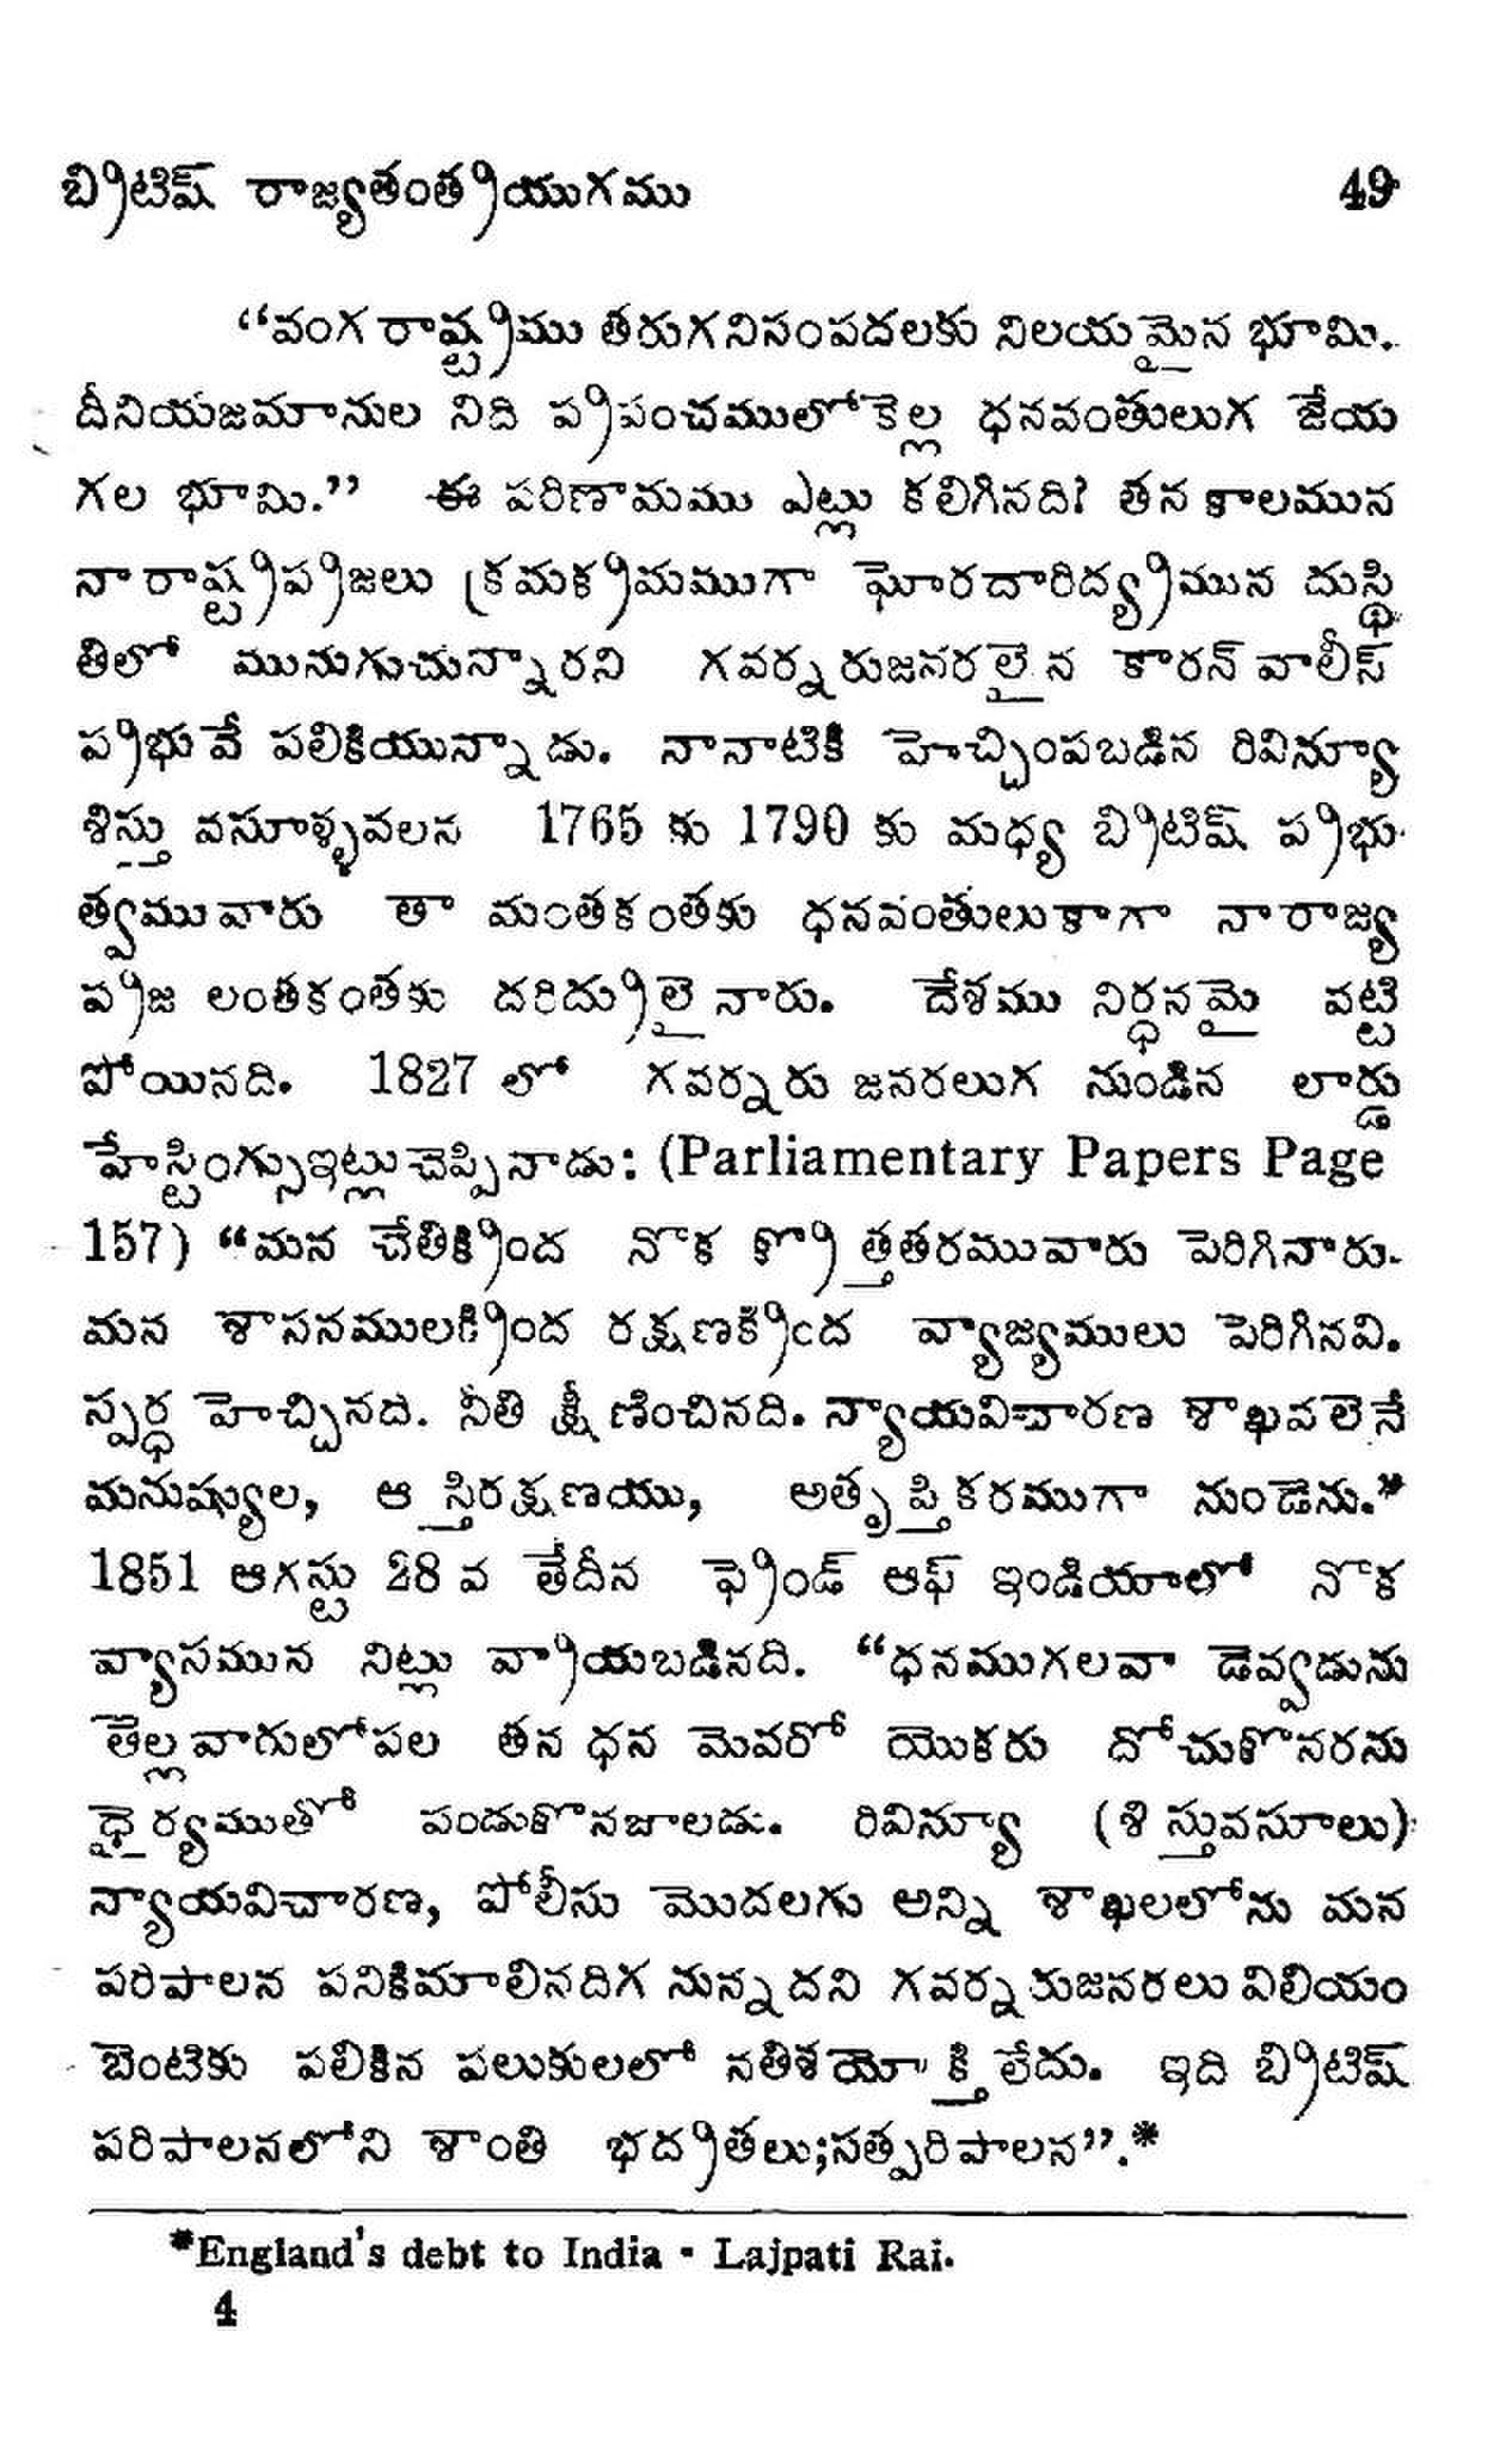"వంగరాష్ట్రము తరుగనిసంపదలకు నిలయమైన భూమి. - దీనియజమానుల నిది ప్రపంచములోకెల్ల ధనవంతులుగ జేయగల భూమి.” ఈ పరిణామము ఎట్లు కలిగినది? తనకాలమున నారాష్ట్రప్రజలు క్రమక్రమముగా ఘోరదారిద్ర్యమున దుస్థితిలో మునుగుచున్నారని గవర్నరుజనరలైన కారన్ వాలీస్ ప్రభువే పలికియున్నాడు. నానాటికి హెచ్చింపబడిన రివిన్యూ శిస్తు వసూళ్ళవలస 1765 కు 1790 కు మధ్య బ్రిటిష్ ప్రభుత్వమువారు తా మంతకంతకు ధనవంతులుకాగా నారాజ్యప్రజ లంతకంతకు దరిద్రులైనారు. దేశము నిర్దనమై పట్టి పోయినది. 1827 లో గవర్నరు జనరలుగ నుండిన లార్డుహేస్టింగ్సు ఇట్లు చెప్పినాడు: (Parliamentary Papers Page 157) "మన చేతికింద నొక క్రొత్తతరమువారు పెరిగినారు. మన శాసనములక్రింద రక్షణక్రింద వ్యాజ్యములు పెరిగినవి. స్పర్ద హెచ్చినది. నీతి క్షీణించినది. న్యాయవిచారణ శాఖవలెనే మనుష్యుల, ఆస్తిరక్షణయు, అతృప్తికరముగా నుండెను." 1851 ఆగస్టు 28 వ తేదీన ఫ్రెండ్ ఆఫ్ ఇండియాలో నొక వ్యాసమున నిట్లు వ్రాయబడినది. “ధనముగలవా డెవ్వడును తెల్లవారులోపల తన ధన మెవరో యొకరు దోచుకొనరను ధైర్యముతో పండుకొనజాలడు. రివిన్యూ (శిస్తువసూలు); న్యాయవిచారణ, పోలీసు మొదలగు అన్ని శాఖలలోను మన పరిపాలన పనికిమాలినదిగ నున్నదని గవర్నరుజనరలు విలియం బెంటికు పలికిన పలుకులలో నతిశయోక్తిలేదు. ఇది బ్రిటిష్ పరిపాలనలోని శాంతి భద్రతలు;సత్పరిపాలన".